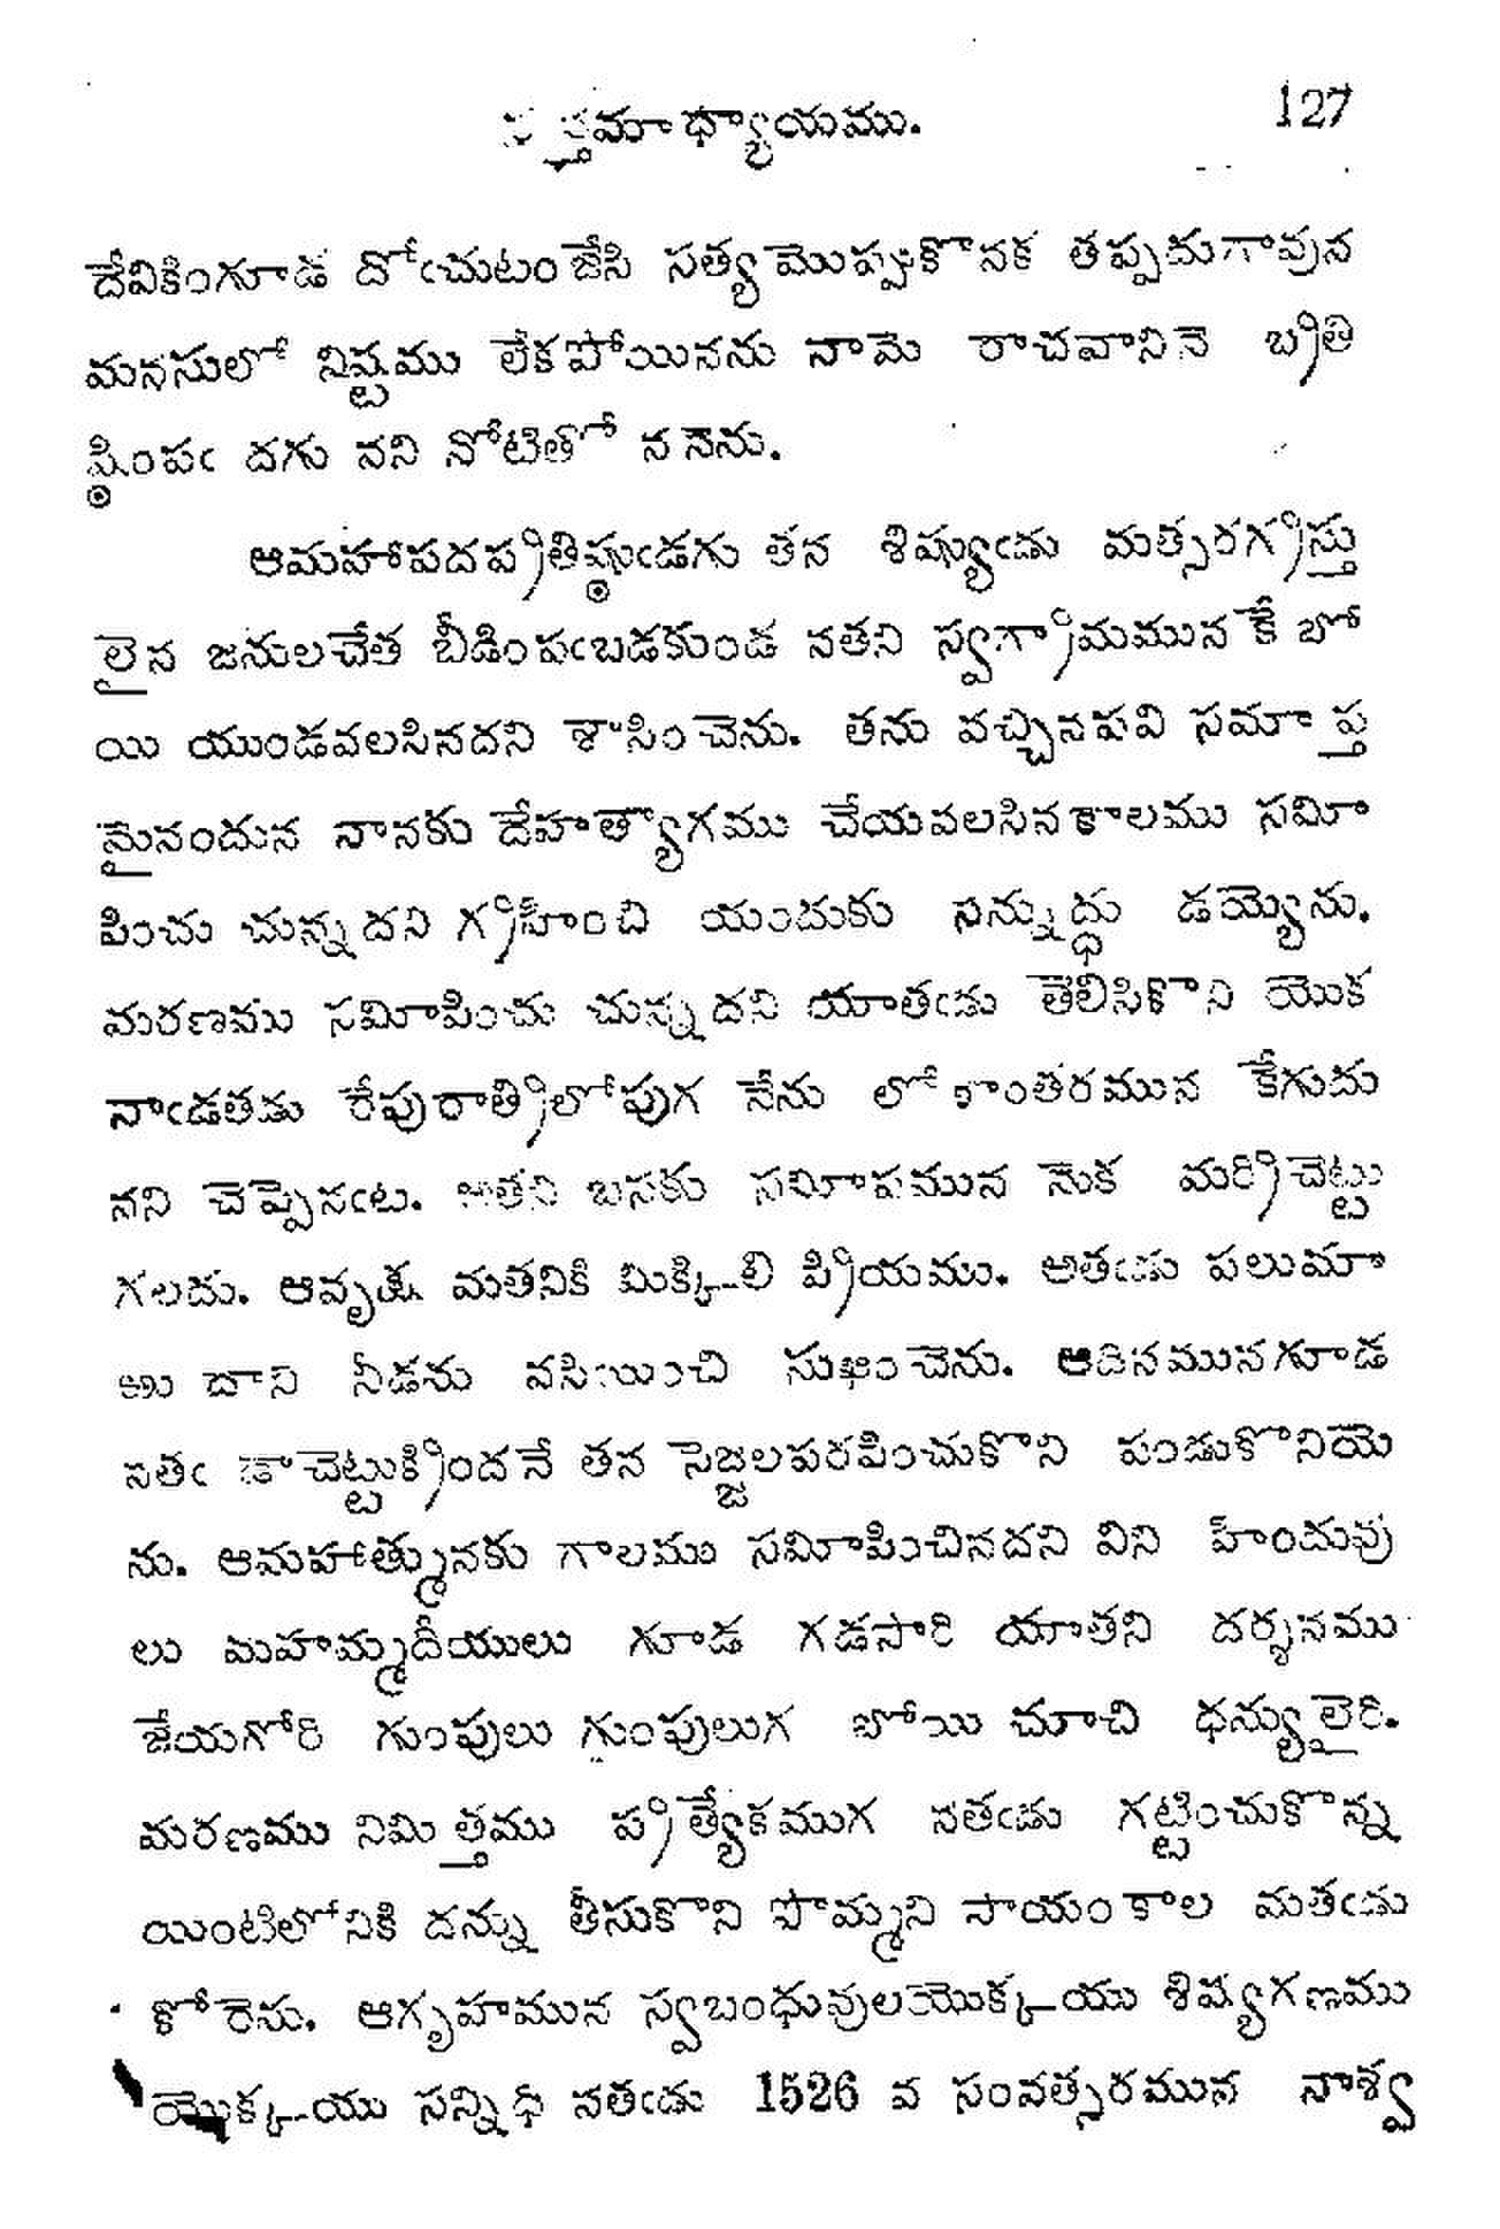దేవికింగూడ దోచుటంజేసి సత్యమొప్పుకొనక తప్పదుగావున మనసులో నిష్టము లేకపోయినను నామె రాచవానినె బ్రతిష్ఠింప దగు నని నోటతో ననెను.

ఆమహాపదప్రతిష్ఠుడగు తన శిష్యుడు మత్సరగ్రస్తులైన జనులచేత బీడింపబడకుండ నతని స్వగ్రామమునకే బోయి యుండవలసినదని శాసించెను. తను వచ్చినపని సమాప్తమైనందున నానకు దేహత్యాగము చేయవలసినకాలము సమీపించు చున్నదని గ్రహించి యందుకు సన్నద్ధు డయ్యెను. మరణము సమీపించు చున్నదని యాతడు తెలిసికొని యొక నాడతడు రేపురాత్రిలోపుగ నేను లోకాంతరమున కేగుదునని చెప్పెనట. అతని బసకు సమీపమున నొక మర్రిచెట్టు గలదు. ఆవృక్ష మతనికి మిక్కిలి ప్రియము. అతడు పలుమాఱు దాని నీడకు వసియించి సుఖించెను. ఆదినమున గూడ నత డాచెట్టుక్రిందనే తన సెజ్జలపరపించుకొని పండుకొనియెను. ఆమహాత్మునకు గాలము సమీపించినదని విని హిందువులు మహమ్మదీయులు గూడ గడసారి యాతని దర్శనము జేయగోరి గుంపులు గుంపులుగ బోయి చూచి ధన్యులైరి. మరణము నిమిత్తము ప్రత్యేకముగ నతడు గట్టించుకొన్న యింటిలోనికి దన్ను తీసుకొని పొమ్మని సాయంకాల మతడు కోరెను. ఆగృహమున స్వబంధువులయొక్కయు శిష్యగణము యొక్కయు సన్నిధి నతడు 1526 వ సంవత్సరమున నాశ్వ